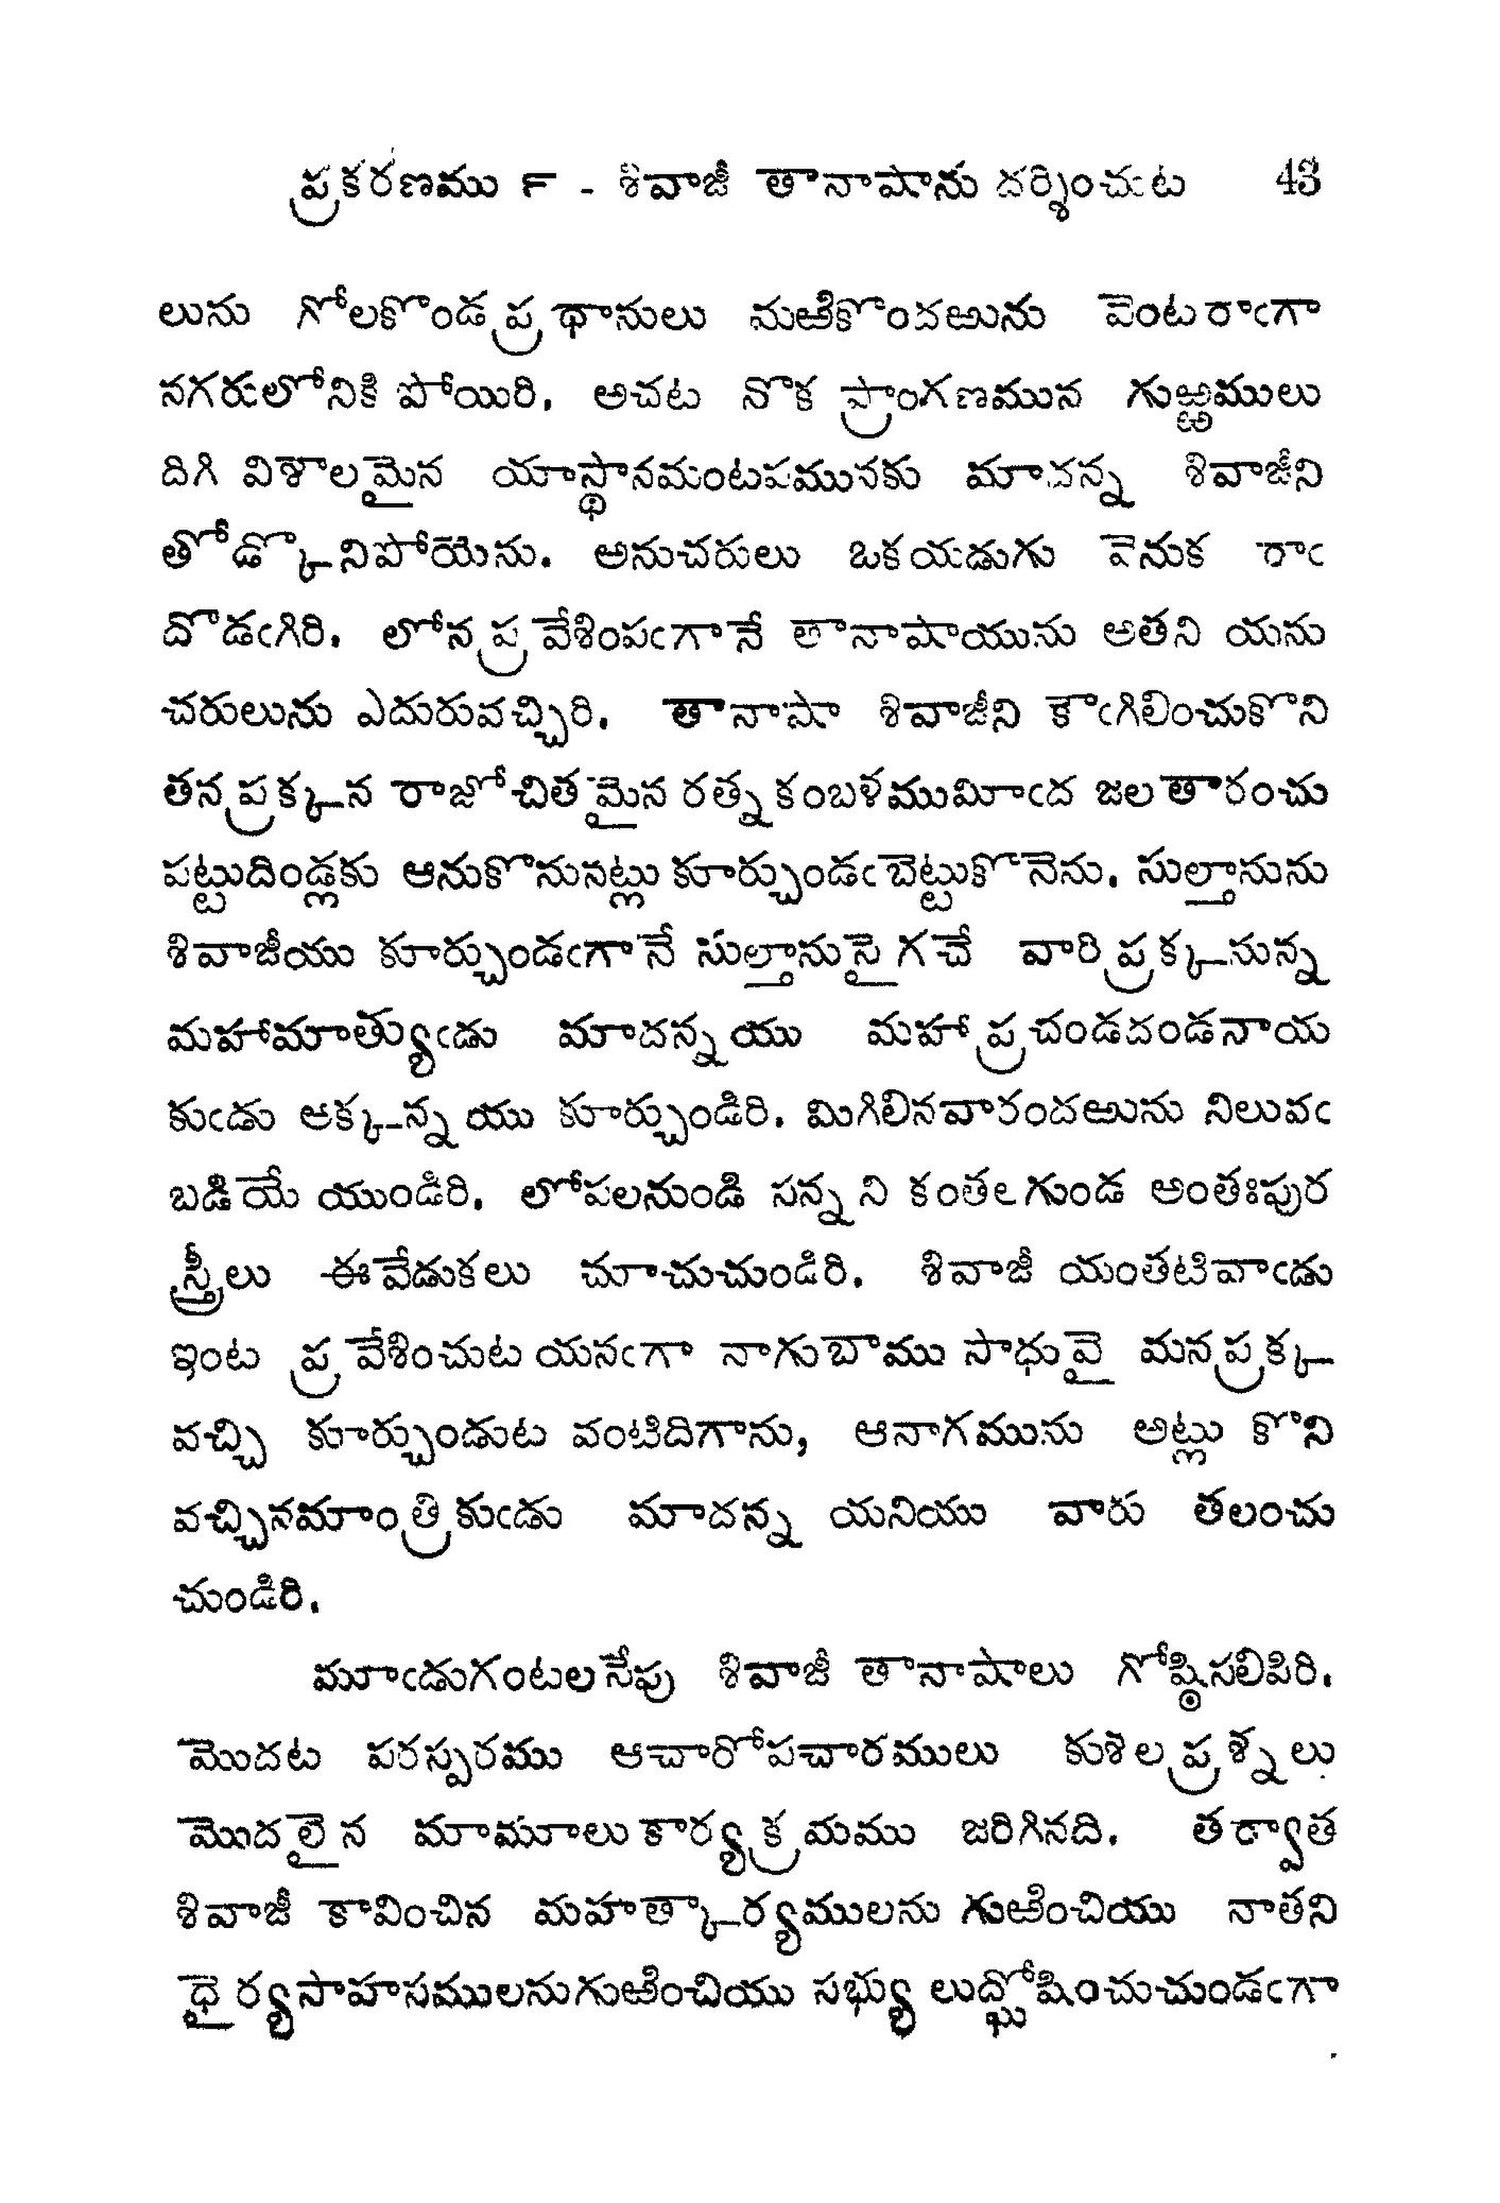లును గోలకొండప్రధానులు మఱికొందఱును వెంటరాఁగా నగరులోనికి పోయిరి. అచట నొక ప్రాంగణమున గుఱ్ఱములు దిగి విశాలమైన యాస్థానమంటపమునకు మాదన్న శివాజీని తోడ్కొనిపోయెను. అనుచరులు ఒకయడుగు వెనుక రాఁ దొడఁగిరి. లోనప్రవేశింపఁగానే తానాషాయును అతని యనుచరులును ఎదురువచ్చిరి. తానాషా శివాజీని కౌఁగిలించుకొని తనప్రక్కన రాజోచితమైన రత్నకంబళముమీఁద జలతారంచు పట్టుదిండ్లకు ఆనుకొనునట్లు కూర్చుండఁబెట్టుకొనెను. సుల్తానును శివాజీయు కూర్చుండఁగానే సుల్తానుసైగచే వారిప్రక్కనున్న మహామాత్యుడు మాదన్నయు మహాప్రచండదండనాయకుఁడు అక్కన్నయు కూర్చుండిరి. మిగిలినవారందఱును నిలువఁబడియే యుండిరి. లోపలనుండి సన్నని కంతలగుండ అంతఃపురస్త్రీలు ఈవేడుకలు చూచుచుండిరి. శివాజీ యంతటివాఁడు ఇంట ప్రవేశించుట యనఁగా నాగుబాము సాధువై మనప్రక్కవచ్చి కూర్చుండుట వంటిదిగాను, ఆనాగమును అట్లు కొనివచ్చినమాంత్రికుఁడు మాదన్న యనియు వారు తలంచుచుండిరి.

మూఁడుగంటలసేపు శివాజీ తానాషాలు గోష్ఠిసలిపిరి. మొదట పరస్పరము ఆచారోపచారములు కుశలప్రశ్నలు మొదలైన మామూలుకార్యక్రమము జరిగినది. తర్వాత శివాజీ కావించిన మహత్కార్యములను గుఱించియు నాతని ధైర్యసాహసములనుగుఱించియు సభ్యు లుద్ఘోషించుచుండఁగా